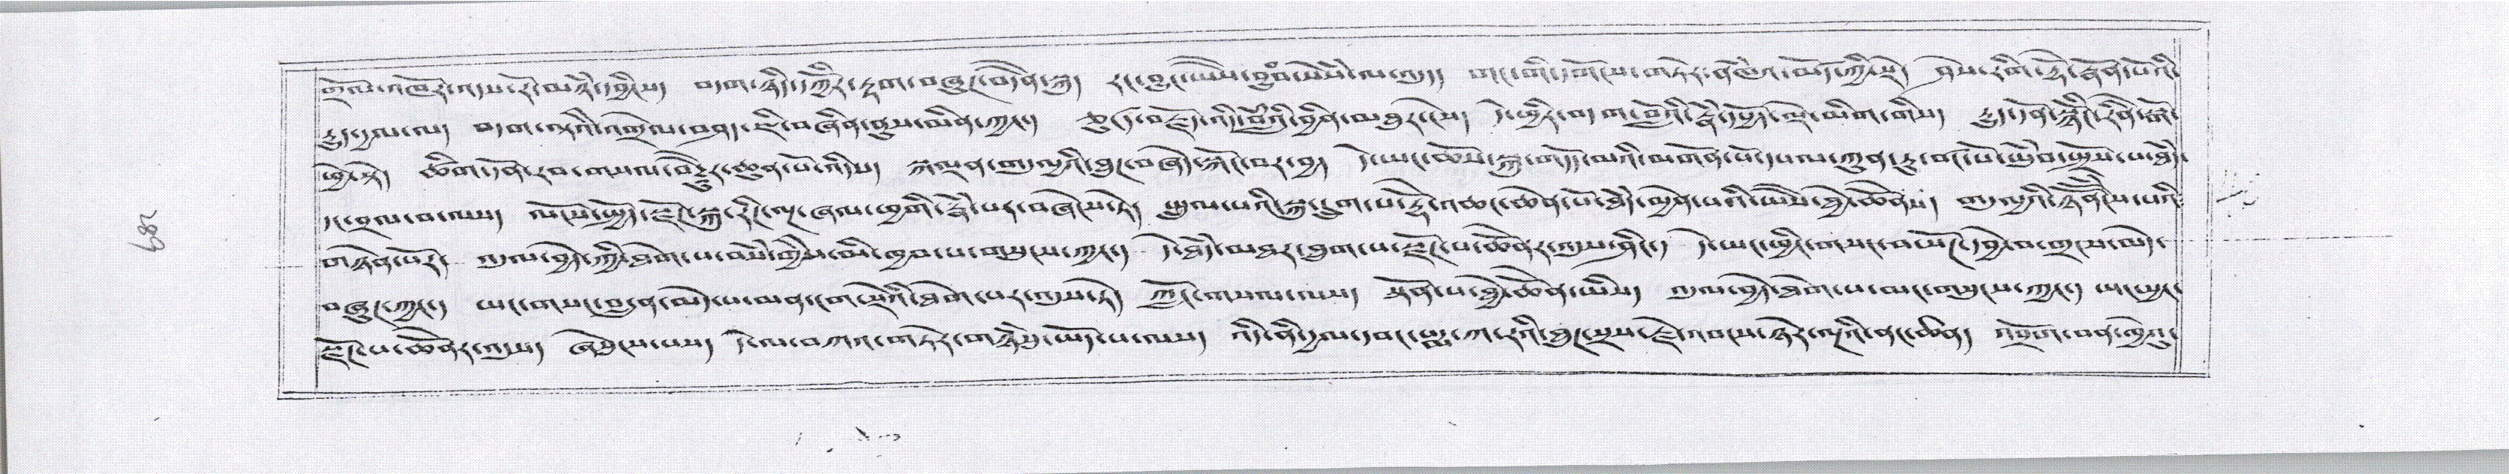གྲོལ་འཁོར་འདས་རོ་མཉམ་དབྱིངས། བདག་ཉིད་དཀྱིལ་འཁོར་རྟག་བཞུགས་བདེ་ཆེན་སྐུ། རང་བྱུང་ཡེ་ཤེས་བྱང་ཆུབ་སེམས་ལ་འདུད། གང་གི་དགོངས་གཏེར་ནམ་མཁའ་མཛོད་ཀྱི་སྡེ། ཤེས་རིག་རྡོ་རྗེ་རྣོན་པོའི་
རྒྱུད་རྒྱལ་ལ། བདག་ལྟའི་འགྲེལ་བཤད་ཇི་བཞིན་ནུས་མིན་ཀྱང། ཅུང་ཟད་བརྗོད་འདི་བླ་མའི་བྱིན་མཐུར་ངེས། དེ་ཕྱིར་བདག་བློའི་རྣམ་དཔྱོད་ལྡེ་མིག་གིས། རྒྱུད་དོན་སྙིང་པོ་རིན་ཆེན་སྒོ་
ཕྱེ་སྟེ། ཚིག་དོན་རབ་གསལ་བཻཌུརྱ་ཆུན་པོ་འདིས། སྐལ་ལྡན་གདུལ་བྱའི་ཐུགས་བཞེད་སྐོང་བར་བྱ། དེ་ཡང་ཆོས་སྐུ་གདོད་མའི་མགོན་པོ་དཔལ་ཀུན་ཏུ་བཟང་པོ་ཡབ་ཡུམ་སྤྲོས་པ་ཐམས་ཅད་
དང་བྲལ་བ་ལས། ལོངས་སྤྱོད་རྫོགས་སྐུ་རིགས་ལྔ་ཞལ་ཕྱག་གི་རྣམ་པར་བཞེངས་ཏེ། སྤྲུལ་པའི་སྐུ་དྲུག་པ་རྡོ་རྗེ་འཆང་ཆེན་པོ་ཐམས་ཅད་མཁྱེན་པའི་ཡེ་ཤེས་ཐུགས་རྗེ་ཆེན་པོས། གདུལ་བྱའི་ཉོན་མོངས་པའི་
གཉེན་པོར། འདུལ་བྱེད་ཀྱི་ཐེག་པ་བསམ་གྱིས་མི་ཁྱབ་པ་གསུངས་ཀྱང། དེ་ཐམས་ཅད་མཐར་ཐུག་པ་རྫོགས་པ་ཆེན་པོར་འདུས་ཤིང། དེ་ཡང་ཕྱི་ནང་གསང་བ་སོགས་དབྱེ་བ་གྲངས་མེད་
བཞུགས་ཀྱང། ཡང་གསང་བླ་ན་མེད་པ་མན་ངག་སྡེའི་ཐེག་པར་འདུས་ཏེ། ཀློང་གསལ་ལས། སྟོན་པ་ཐུགས་རྗེ་ཆེན་པོ་ཡིས། འདུལ་བྱེད་ཐེག་པ་མང་གསུངས་ཀྱང། ཡང་གསུངས། 
རྫོགས་པ་ཆེན་པོར་འདུས། ཞེས་གསུངས་པས། དེ་ལ་བཀའ་གཏེར་གཉིས་སུ་ཡོད་པ་ལས། འདི་ནི་རྒྱལ་དབང་པདྨ་ཀ་རའི་ཐུགས་སྲས་རྗེ་འབངས་ཉེར་ལྔའི་ནང་ཆེན། འབྲོག་བན་ཁྱེའུ་